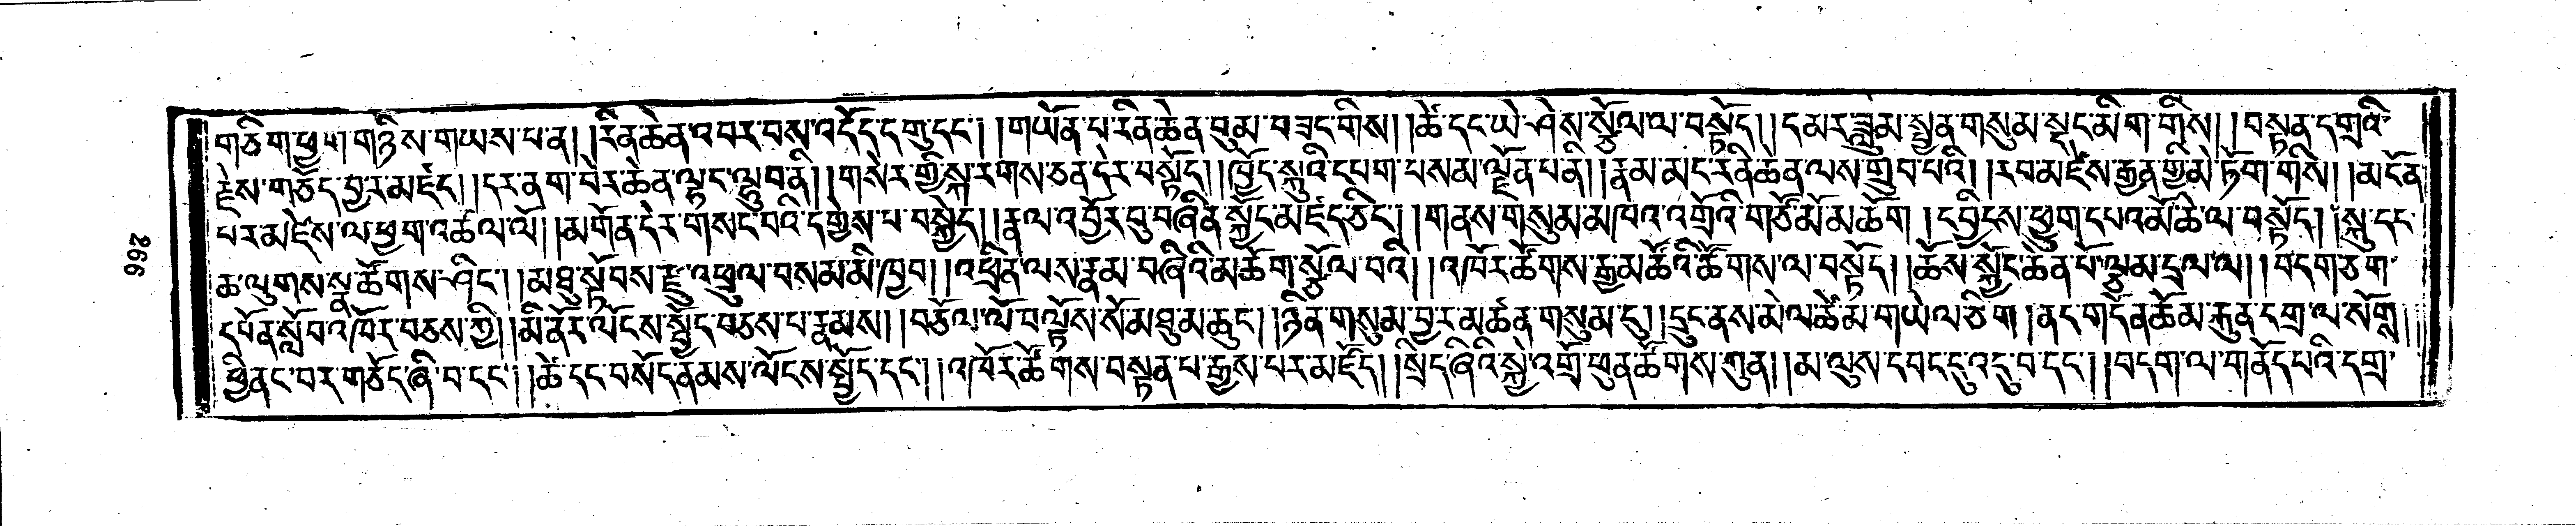གཅིག་ཕྱག་གཉིས་གཡས་པ་ན། །རིན་ཆེན་འབར་བས་འདོད་དགུ་དང་། །གཡོན་པ་རིན་ཆེན་བུམ་བཟང་གིས། །ཚེ་དང་ཡེ་ཤེས་སྩོལ་ལ་བསྟོད། །དམར་ཟླུམ་སྤྱན་གསུམ་སྡང་མིག་གིས། །བསྟན་དགྲའི་
རྗེས་གཅོད་བྱ་ར་མཛད། །དར་ནག་བེར་ཆེན་ལྷབ་ལྷུབ་ནི། །གསེར་གྱི་སྐ་རགས་ཅན་དེར་བསྟོད། །ཁྱོད་སྐུའི་དཔག་བསམ་ལྗོན་པ་ནི། །རྣམ་མང་རིན་ཆེན་ལས་གྲུབ་པའི། །རབ་མཛེས་རྒྱན་གྱི་མེ་ཏོག་གིས། །མངོན་
པར་མཛེས་ལ་ཕྱག་འཚལ་ལོ། །མགོན་དེར་གསང་བའི་དགྱེས་པ་བསྐྱེད། །རྣལ་འབྱོར་བུ་བཞིན་སྐྱོང་མཛད་ཅིང་། །གནས་གསུམ་མཁའ་འགྲོའི་གཙོ་མོ་མཆོག །དབྱིངས་ཕྱུག་དཔའ་མོ་ཆེ་ལ་བསྟོད། །སྐུ་དང་
ཆ་ལུགས་སྣ་ཚོགས་ཤིང་། །མཐུ་སྟོབས་རྫུ་འཕྲུལ་བསམ་མི་ཁྱབ། །འཕྲིན་ལས་རྣམ་བཞིའི་མཆོག་སྩོལ་བའི། །འཁོར་ཚོགས་རྒྱ་མཚོའི་ཚོགས་ལ་བསྟོད། །ཆོས་སྐྱོང་ཆེན་པོ་ལྕམ་དྲལ་ལ། །བདག་ཅག་
དཔོན་སློབ་འཁོར་བཅས་ཀྱི། །མི་ནོར་ལོངས་སྤྱོད་བཅས་པ་རྣམས། །བཅོལ་ལོ་བལྟོས་སོ་མཐུ་མ་ཆུང་། །ཉིན་གསུམ་བྱ་ར་མཚན་གསུམ་དུ། །དྲུང་ནས་མེལ་ཚེ་མ་གཡེལ་ཅིག །ནད་གདོན་ཆོམ་རྐུན་དགྲ་ལ་སོགས།
ཕྱི་ནང་བར་གཅོད་ཞི་བ་དང་། །ཚེ་དང་བསོད་ནམས་ལོངས་སྤྱོད་དང་། །འཁོར་ཚོགས་བསྟན་པ་རྒྱས་པར་མཛོད། །སྲིད་ཞིའི་སྐྱེ་འགྲོ་ཕུན་ཚོགས་ཀུན། །མ་ལུས་དབང་དུ་འདུ་བ་དང་། །བདག་ལ་གནོད་པའི་དགྲ་